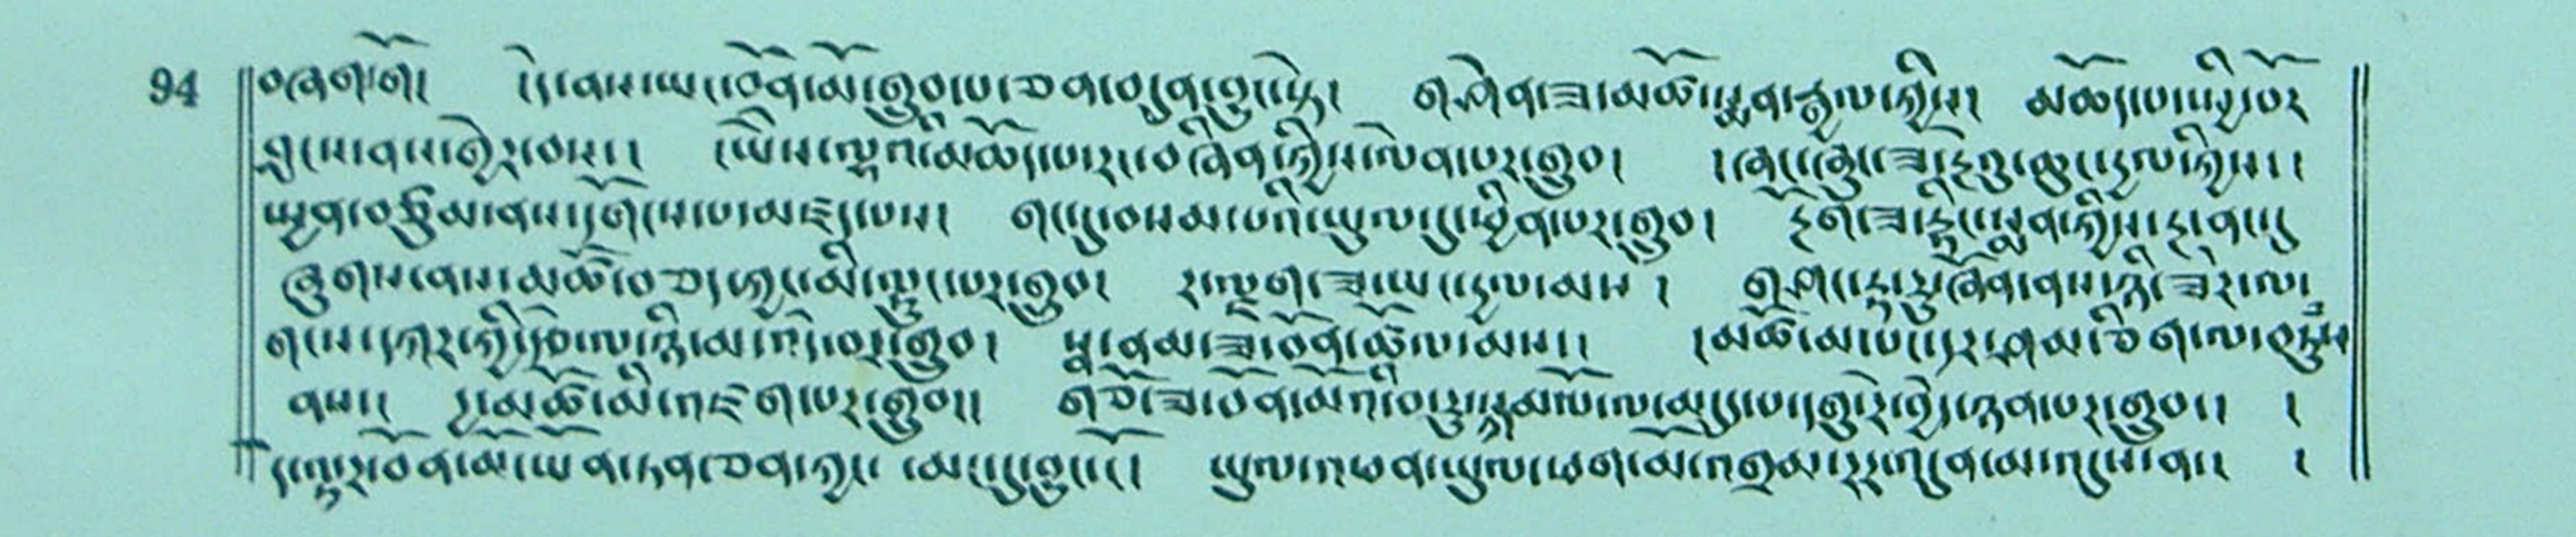བཞག་གོ །དེ་ནས་ཡང་བོན་མོ་གྲུབ་པ་ཅན་བདུན་བྱུང་སྟེ། གཤེན་ཟ་མཚོ་སྨན་རྒྱལ་གྱིས། མཆོད་པ་སྤྱི་བོར་
བླངས་ནས་གྱེར་བས། ཡེ་ཤེས་ལྷ་ཡི་མཆོད་པ་རང་བཞིན་གྱིས་ལེན་པར་གྲུབ། ཞང་ཞུང་ཟ་རྔེའུ་ཆུང་རྒྱལ་གྱིས། 
སྤྱན་བཙུམ་ནས་དགོངས་པ་མཛད་པས། གང་དུ་བསམ་པའི་ཡུལ་དུ་ཕྱིན་པར་གྲུབ། རྔོག་ཟ་རྟིང་སྨན་གྱིས་རྔ་ནང་དུ་
ཞུགས་ནས་མཚོ་བཅད་ཀྱང་མི་ལྟུང་བར་གྲུབ། ར་ལྗག་ཟ་ཡང་རྒྱལ་མས། གཤང་རྟ་རུ་ཞོན་ནས་ཉི་ཟེར་ལ་
གངས་དཀར་གྱི་རྩེ་ལ་ཉི་མ་འདེ་བར་གྲུབ། སྣ་ནམ་ཟ་བོན་ཚོལ་མས། མཚོ་མ་པང་དར་ཤམ་ཅག་ལ་བཏུམས་
ནས། རྒྱ་མཚོ་མི་འཛག་པར་གྲུབ། གཅོ་ཟ་བོན་མོའི་བ་རུ་སྐམ་པོ་ལ་མདུད་པ་དགུ་རེ་བྱེད་ཉན་པར་གྲུབ། 
དེ་ལྟར་བོན་མོ་ཡོན་ཏན་ཅན་ཀྱང་མང་དུ་བྱུང་ངོ་། །ཡུལ་འཕན་ཡུལ་ཕག་མོ་འགྲམ་རར་འདུན་མ་འདུས་ན།